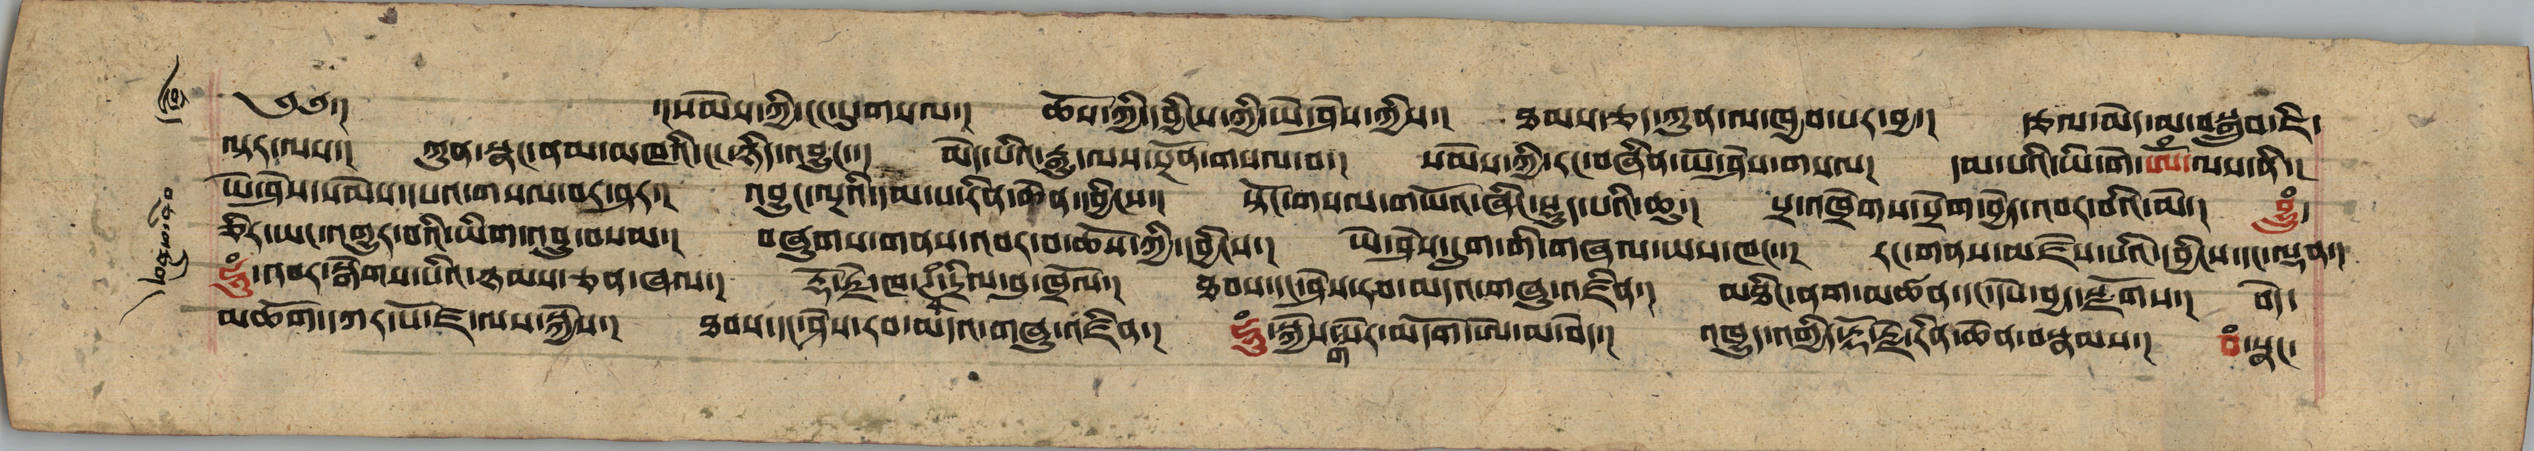༄༅་། ་།་སེམས་ཀྱི་ངང་དུ་གསལ་། ཆོས་ཀྱི་དབྱིངས་ཀྱི་ཡེ་ཤེས་ཀྱིས་། ཐམས་ཅད་ཀུན་ལ་ཁྱབ་པར་བྱ་། རྩལ་མེད་མ་བསྒྲུབ་ཇི་
ལྟར་ལས་། ཀུན་སྣང་ནམ་མཁའི་ངང་ཉིད་འབྱུང་་། མེད་པའི་རྒྱུ་ལས་སྔོན་གསལ་བ་། སེམས་ཀྱི་རང་བཞིན་ཡེ་ཤེས་གསལ་། དམ་པའི་ཡི་གེ་ཨོཾ་ལས་ནི་།
ཡེ་ཤེས་སེམས་དཔའ་གསལ་བར་ཤར་། འབྱུང་ལྔའི་དམ་པ་རིན་ཆེན་དབྱིངས་། སྟོང་གསལ་གཡོའ་ཞིང་སྡུད་པའི་ཆུ་། སྲ་འཁྲེགས་སྲེག་བྱེད་འབར་བའི་མེ་། བྷྲུཾ་
ཅིར་ཡང་འགྱུར་བའི་ཡིག་འབྲུ་བསམ་། བཞུགས་གནས་འབར་བ་ཆོས་ཀྱི་དབྱིངས་། ཡེ་ཤེས་དྲུག་གི་གཞལ་ཡས་ཁང་་། རང་གནས་མཛེས་པའི་དབྱིངས་དང་ལྡན་།
ཧཱུཾ་འབར་སྒེགས་པའི་ཉམས་ཅན་ཞལ་། རྡོ་རྗེ་ཁ་ཊཱཾ་དྲིལ་བུ་ཁྲོལ་། ཐབས་དང་ཤེས་རབ་མདའ་གཞུ་འཛིན་། མཐིང་ནག་མཚན་དང་དཔེ་བྱད་སྫོགས་། བདཻ་
མཆོག་དཀར་པོ་ཛ་ལས་སྐྱེས་། ཐབས་དང་ཤེས་རབ་མདའ་གཞུ་འཛིན་། ཧཱུཾ་སྐྱེས་གསེར་མདོག་ཨེ་མ་བདེ་། འཁྱུད་འགྱིད་རྡོ་རྗེ་རིན་ཆེན་བསྣམས་། བཾ་སྣང་